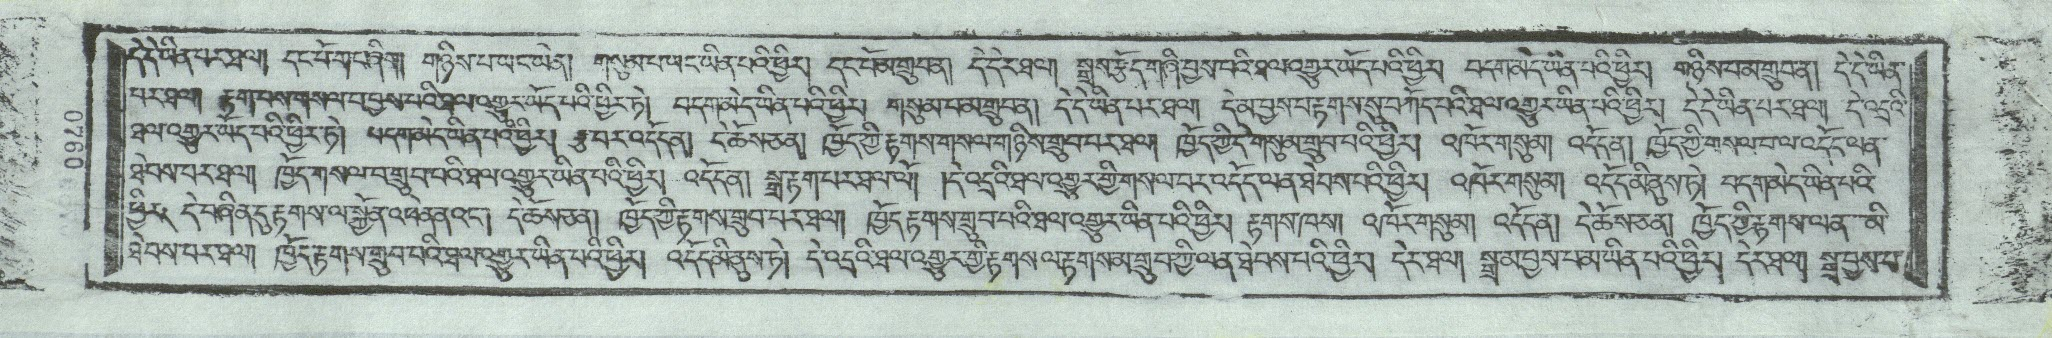དེ་དེ་ཡིན་པར་ཐལ། དང་པོ་གང་ཞིག། གཉིས་པ་ཡང་ཡིན། གསུམ་པ་ཡང་ཡིན་པའི་ཕྱིར། དང་པོ་མ་གྲུབ་ན། དེ་དེར་ཐལ། སྒྲས་རྩོད་གཞི་བྱས་པའི་ཐལ་འགྱུར་ཡོད་པའི་ཕྱིར། བདག་མེད་ཡིན་པའི་ཕྱིར། གཉིས་པ་མ་གྲུབ་ན། དེ་དེ་ཡིན་
པར་ཐལ། རྟག་པས་གསལ་པ་བྱས་པའི་ཐལ་འགྱུར་ཡོད་པའི་ཕྱིར་ཏེ། བདག་མེད་ཡིན་པའི་ཕྱིར། གསུམ་པ་མ་གྲུབ་ན། དེ་དེ་ཡིན་པར་ཐལ། དེ་མ་བྱས་བ་རྟགས་སུ་བཀོད་པའི་ཐལ་འགྱུར་ཡིན་པའི་ཕྱིར། དེ་དེ་ཡིན་པར་ཐལ། དེ་འདྲའི་
ཐལ་འགྱུར་ཡོད་པའི་ཕྱིར་ཏེ། བདག་མེད་ཡིན་པའི་ཕྱིར། རྩ་བར་འདོད་ན། དེ་ཆོས་ཅན། ཁྱོད་ཀྱི་རྟགས་གསལ་གཉིས་གྲུབ་པར་ཐལ། ཁྱོད་ཀྱི་དེ་གསུམ་གྲུབ་པའི་ཕྱིར། འཁོར་གསུམ། འདོད་ན། ཁྱོད་ཀྱི་གསལ་བ་ལ་འདོད་ལན་
ཐེབས་པར་ཐལ། ཁྱོད་གསལ་བ་གྲུབ་པའི་ཐལ་འགྱུར་ཡིན་པའི་ཕྱིར། འདོད་ན། སྒྲ་རྟག་པར་ཐལ་ལོ། །དེ་འདྲའི་ཐལ་འགྱུར་གྱི་གསལ་བར་འདོད་ལན་ཐེབས་པའི་ཕྱིར། འཁོར་གསུམ། འདོད་མི་ནུས་ཏེ། བདག་མེད་ཡིན་པའི་
ཕྱིར༑ དེ་བཞིན་དུ་རྟགས་ལ་སྐྱོན་འཕེན་ནའང་། དེ་ཆོས་ཅན། ཁྱོད་ཀྱི་རྟགས་གྲུབ་པར་ཐལ། ཁྱོད་རྟགས་གྲུབ་པའི་ཐལ་འགྱུར་ཡིན་པའི་ཕྱིར། རྟགས་ཁས། འཁོར་གསུམ། འདོད་ན། དེ་ཆོས་ཅན། ཁྱོད་ཀྱི་རྟགས་ལན་མི་
ཐེབས་པར་ཐལ། ཁྱོད་རྟགས་གྲུབ་པའི་ཐལ་འགྱུར་ཡིན་པའི་ཕྱིར། འདོད་མི་ནུས་ཏེ། དེ་འདྲའི་ཐལ་འགྱུར་གྱི་རྟགས་ལ་རྟགས་མ་གྲུབ་ཀྱི་ལན་ཐེབས་པའི་ཕྱིར། དེར་ཐལ། སྒྲ་མ་བྱས་པ་མ་ཡིན་པའི་ཕྱིར། དེར་ཐལ། སྒྲ་བྱས་པ་